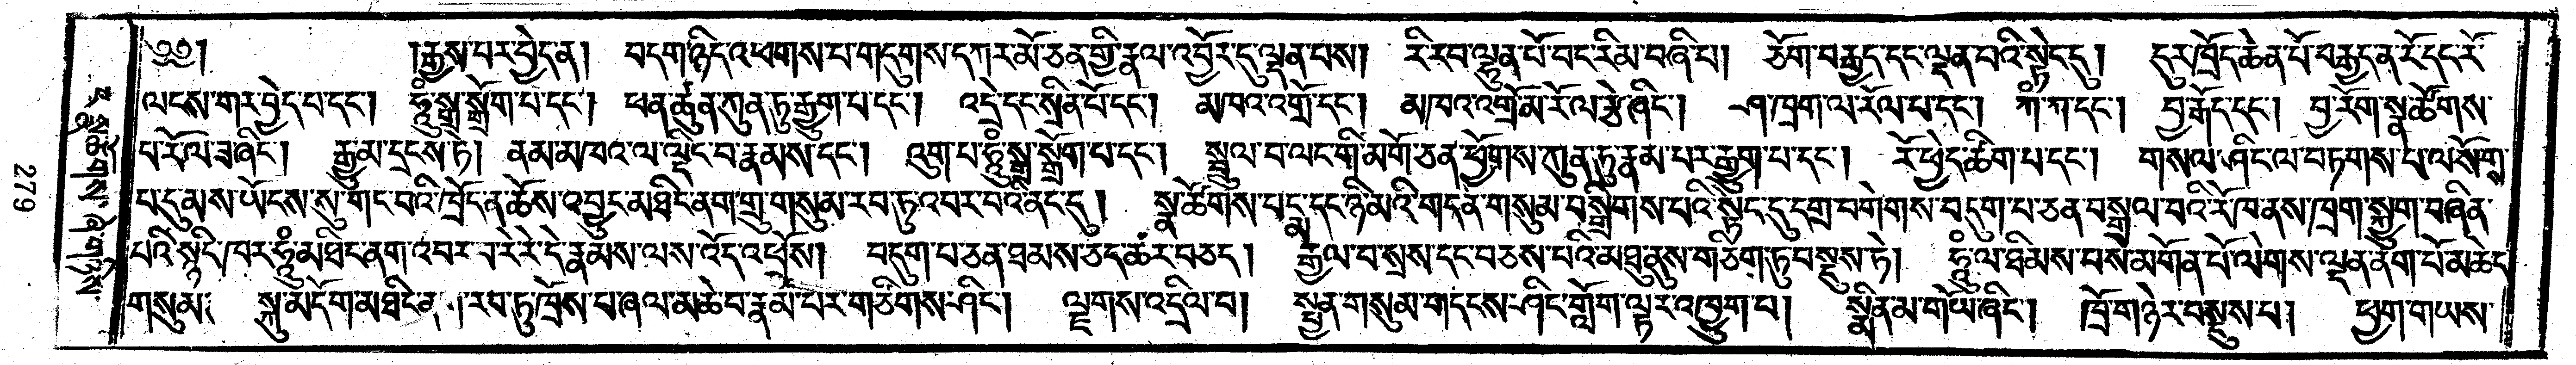༄༅། །རྒྱས་པར་བྱེད་ན། བདག་ཉིད་འཕགས་པ་གདུགས་དཀར་མོ་ཅན་གྱི་རྣལ་འབྱོར་དུ་ལྡན་པས། རི་རབ་ལྷུན་པོ་བང་རིམ་བཞི་པ། ཅོག་བརྒྱད་དང་ལྡན་པའི་སྟེང་དུ། དུར་ཁྲོད་ཆེན་པོ་བརྒྱད་ན་རོ་དང་རོ་
ལངས་གར་བྱེད་པ་དང་། ཧཱུཾ་སྒྲ་སྒྲོག་པ་དང་། ཕན་ཚུན་ཀུན་ཏུ་རྒྱུག་པ་དང་། འདྲེ་དང་སྲིན་པོ་དང་། མཁའ་འགྲོ་དང་། མཁའ་འགྲོ་མ་རོ་ལ་རྩེ་ཞིང་། ཤ་ཁྲག་ལ་རོལ་པ་དང་། ཀཾ་ཀ་དང་། བྱ་རྒོད་དང་། བྱ་རོག་སྣ་ཚོགས་
པ་རོ་ལ་ཟ་ཞིང་། རྒྱུ་མ་དྲངས་ཏེ། ནམ་མཁའ་ལ་ལྡིང་བ་རྣམས་དང་། འུག་པ་ཧཱུཾ་སྒྲ་སྒྲོག་པ་དང་། སྦྲུལ་བ་ལང་གི་མགོ་ཅན་ཕྱོགས་ཀུན་ཏུ་རྣམ་པར་རྒྱུག་པ་དང་། རོ་ཕྱེད་ཚིག་པ་དང་། གསལ་ཤིང་ལ་བཏགས་པ་ལ་སོགས་
པ་དུ་མས་ཡོངས་སུ་གང་བའི་ཁྲོད་ན་ཆོས་འབྱུང་མཐིང་ནག་གྲུ་གསུམ་རབ་ཏུ་འབར་བའི་ནང་དུ། སྣ་ཚོགས་པདམ་དང་ཉི་མའི་གདན་གསུམ་བསྒྲིགས་པའི་སྟེང་དུ་དགྲ་བགེགས་བདུག་པ་ཅན་བསྒྲལ་བའི་རོ་ཁ་ནས་ཁྲག་སྐྱུག་བཞིན་
པའི་སྙིང་ཁར་ཧཱུཾ་མཐིང་ནག་འབར་བ་རེ་རེ་དེ་རྣམས་ལས་འོད་འཕྲོས། བདུག་པ་ཅན་ཐམས་ཅད་ཚར་བཅད། རྒྱལ་བ་སྲས་དང་བཅས་པའི་མཐུ་ནུས་གཅིག་ཏུ་བསྡུས་ཏེ། ཧཱུཾ་ལ་ཐིམས་པས་མགོན་པོ་ལེགས་ལྡན་ནག་པོ་མཆེད་
གསུམ༑ སྐུ་མདོག་མཐིང་ནག་རབ་ཏུ་ཁྲོས་པ་ཞལ་མཆེ་བ་རྣམ་པར་གཙིགས་ཤིང་། ལྗགས་འདྲིལ་བ། སྤྱན་གསུམ་གདངས་ཤིང་གློག་ལྟར་འཁྱུག་པ། སྨིན་མ་གཡོ་ཞིང་། ཁྲོ་གཉེར་བསྡུས་པ། ཕྱག་གཡས་